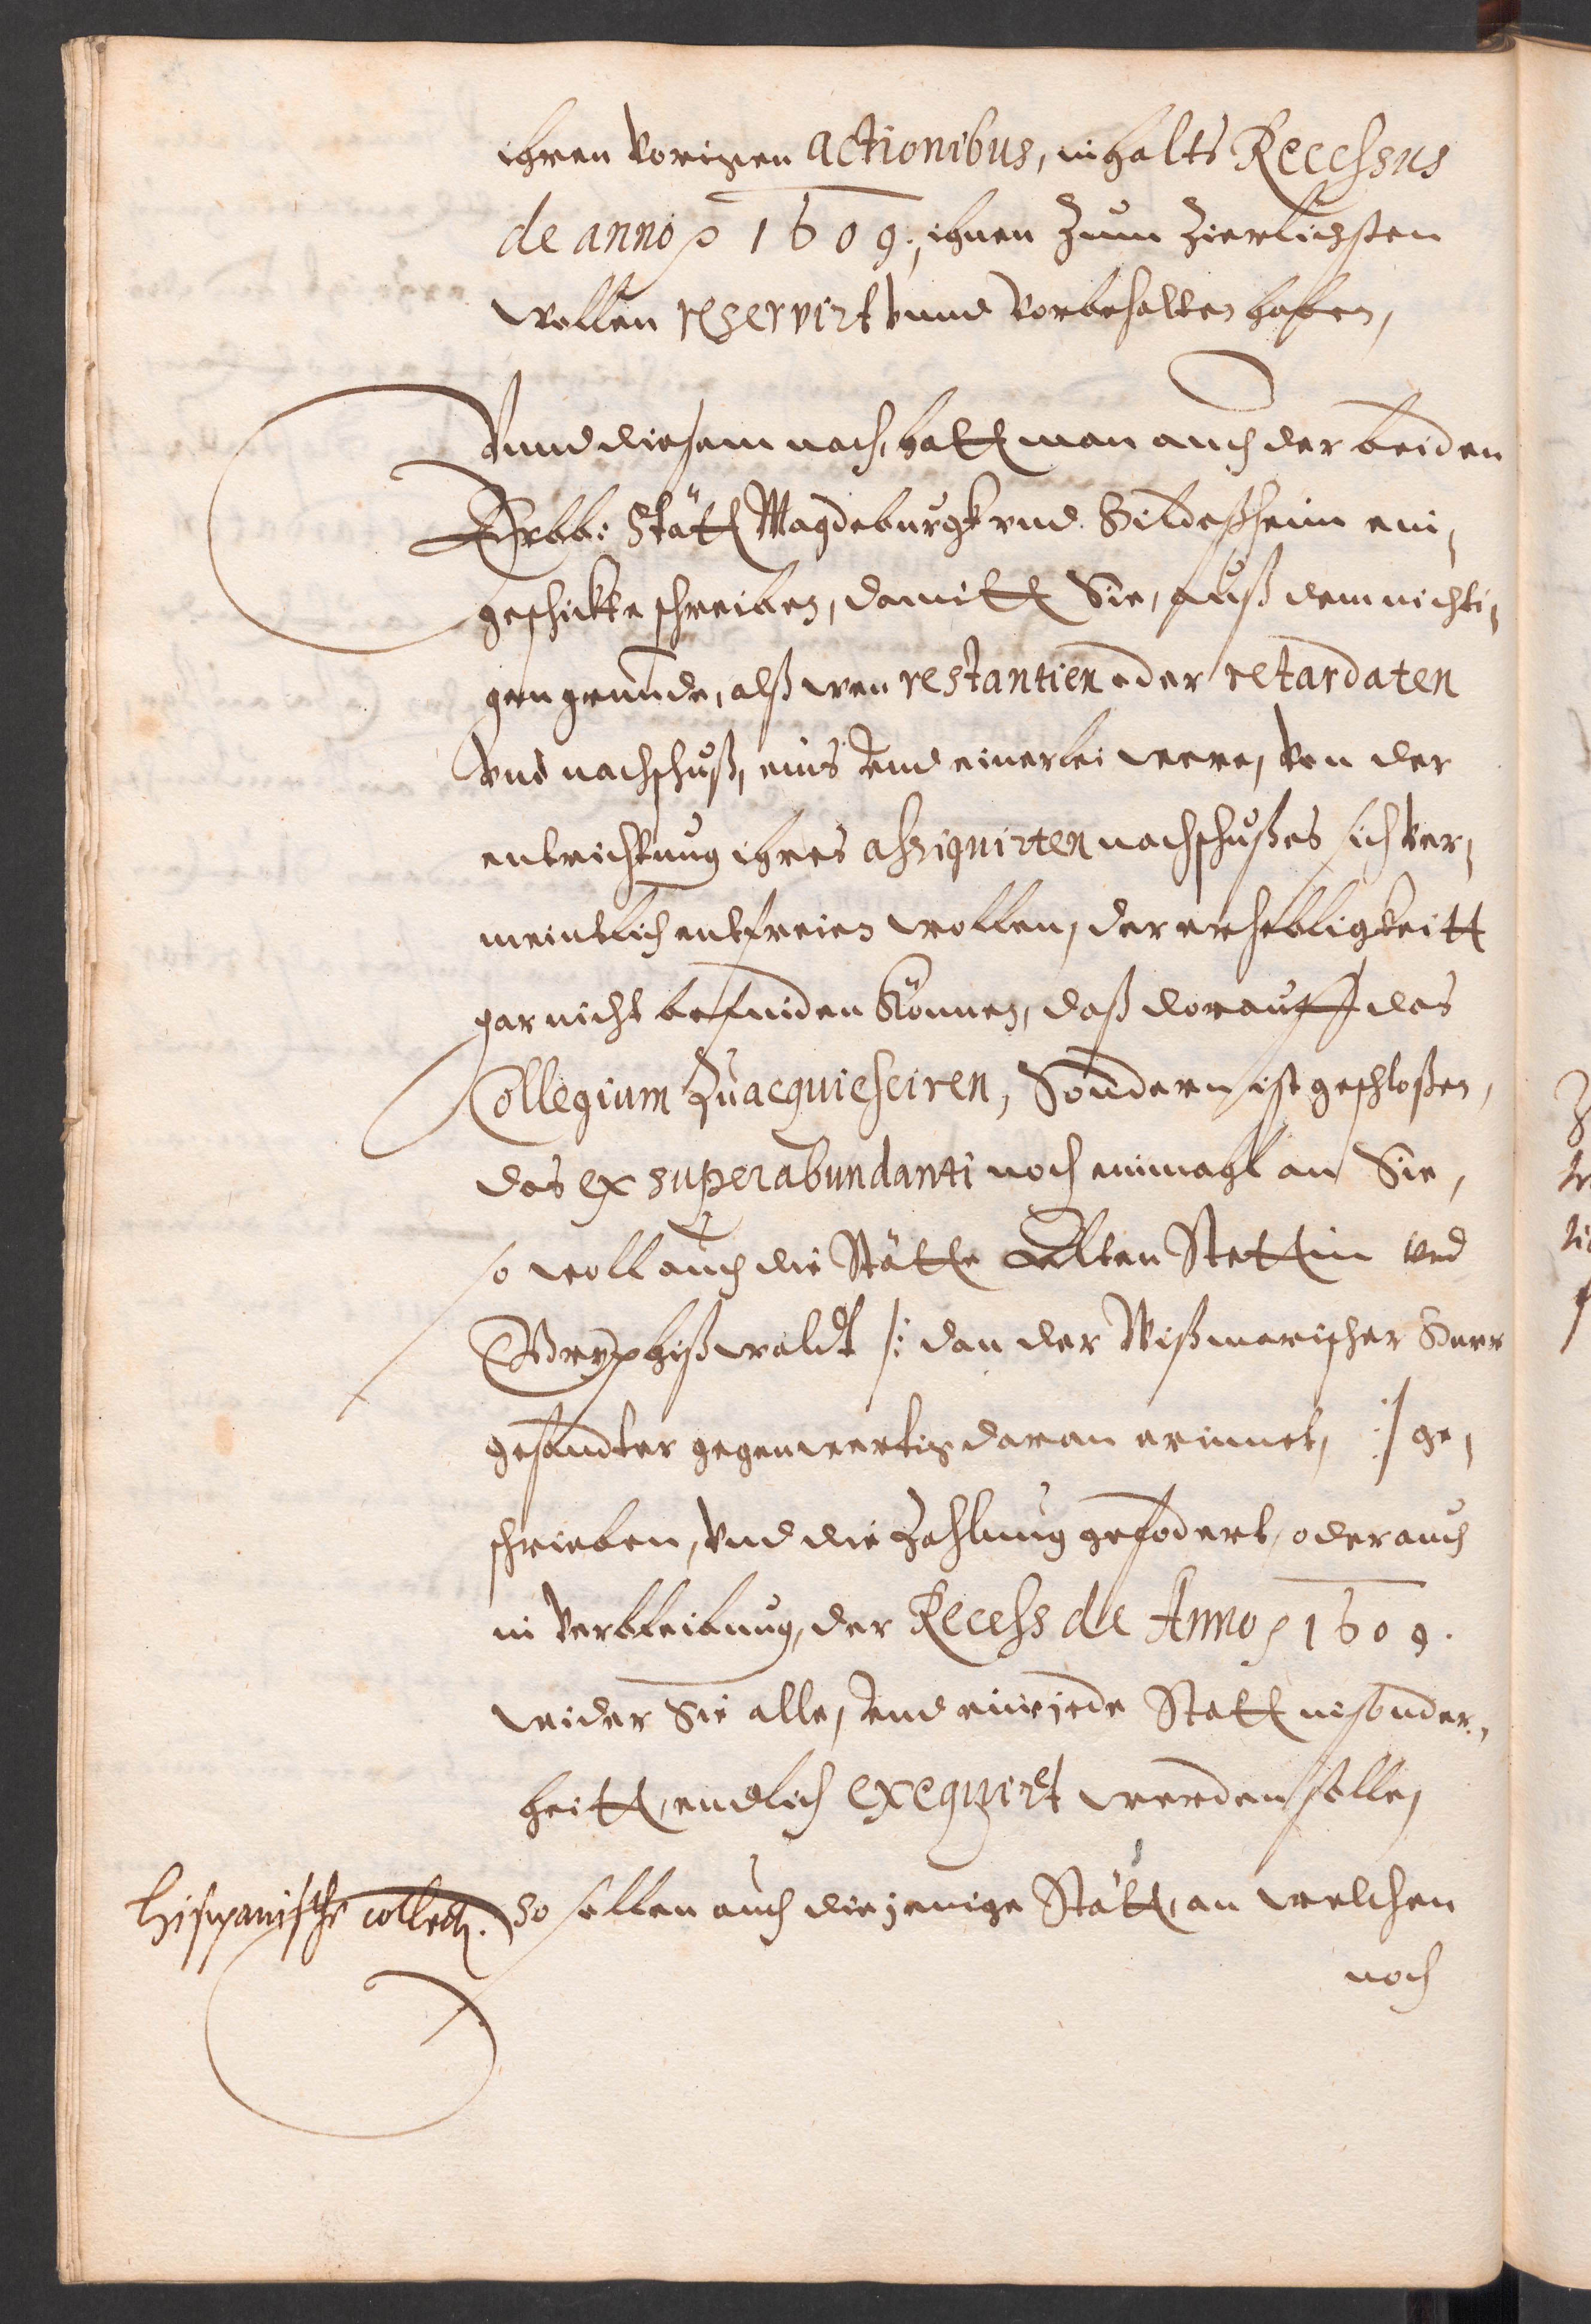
ihren vorigen actionibus, inhalts Recessus
de anno p 1609, ihnen zum zierlichsten
wollen reservirt vnnd vorbehalten haben,
Vnnd diesem nach, hatt man auch der beiden
Erbb: Stätt Magdeburgk vnd Hildeßheim ein¬
geschickte schreiben, damitt Sie, auß dem nichti¬
gen grunde, alß wen restantien oder retardaten
vnd nachschuß, eins vnd einerlei were, von der
entrichtung ihres assignirten nachschußes sich ver—
meintlich entfreien wollen, der erhebligkeitt
gar nicht befinden können, daß dorauff das
Collegium zuacquieheiren, Sondern ist geschloßen,
das ex superabundanti noch einmahl an Sie,
so woll auch die Stätte Alten Stettin vnd
Gryphißwaldt /: dan der Wißmarischer Herr
gesandter gegenwertig daran erinnet, :/ ge¬
schrieben, vnd die zahlung gefodert, oder auch
in verbleibung, der Recess de Anno p 1609.
wider sie alle, vnd eine jede Statt insonder¬
heitt, endlich exequiret werden solle,
So sollen auch die jenige Stätt, an welchen
noch
Hispanische collecten
